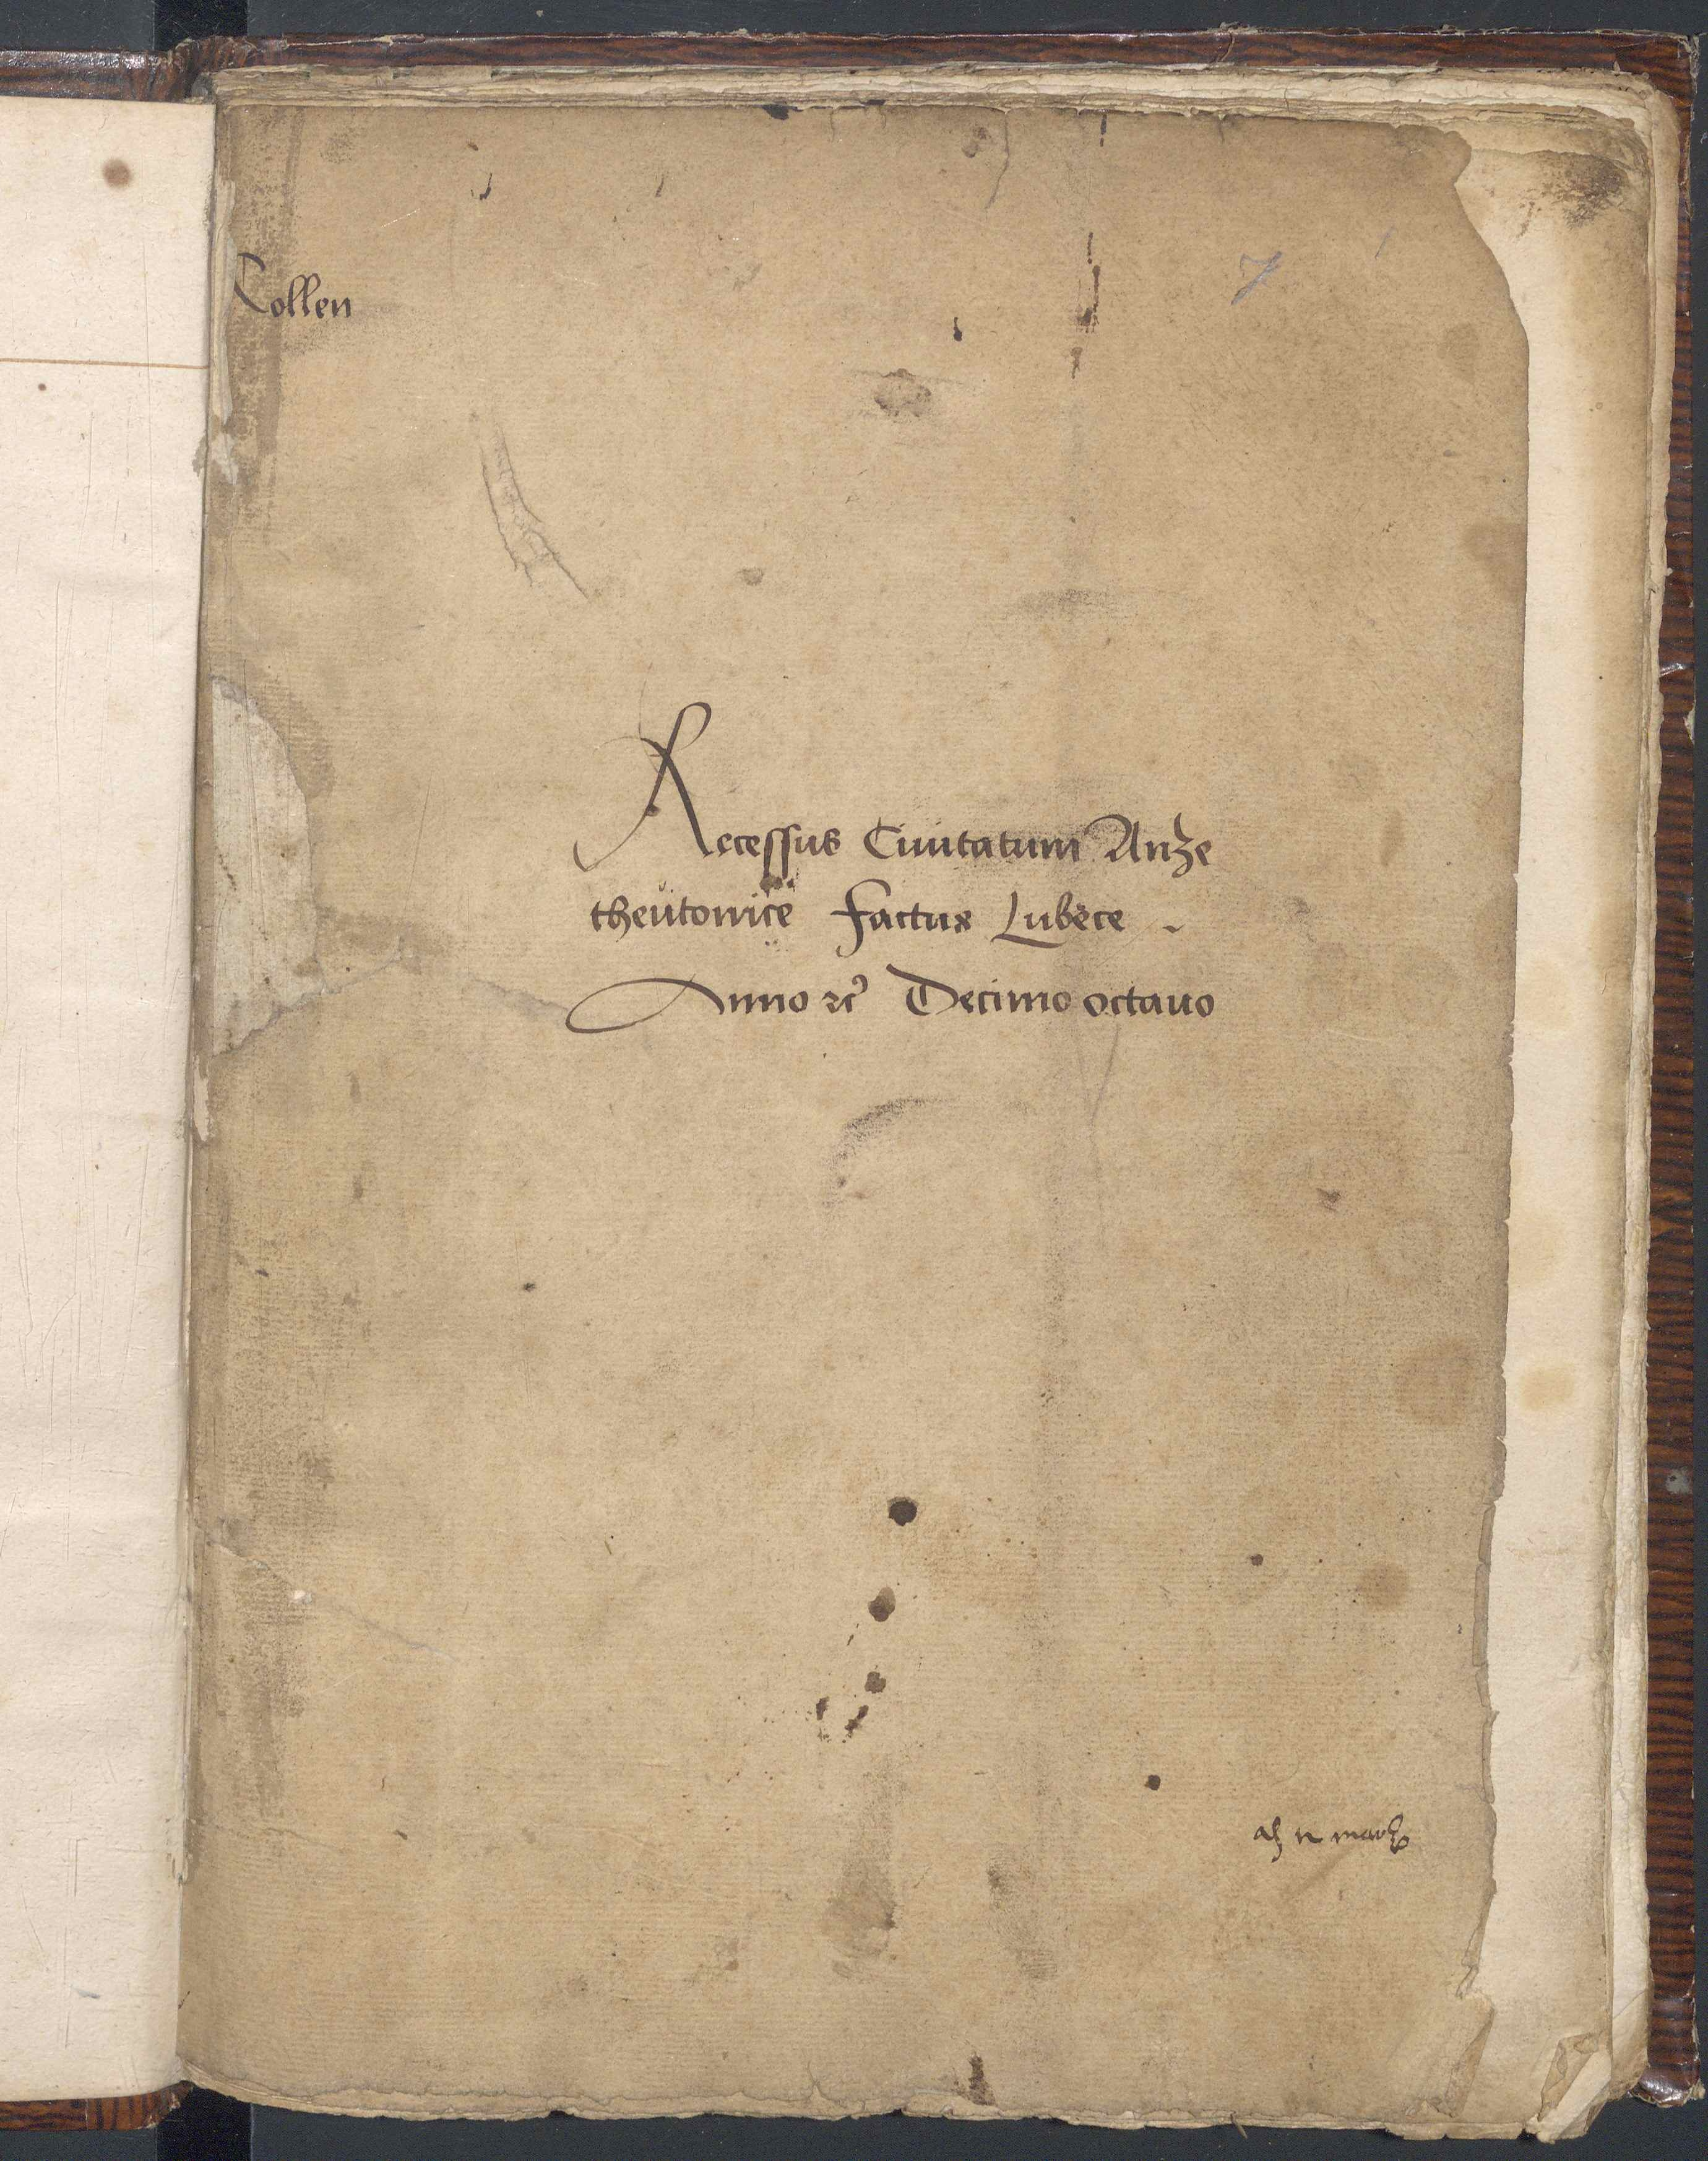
Collen
Recessus civitatum Anze
theutonice factus Lubece -
Anno etc Decimo octauo
ah n mar
